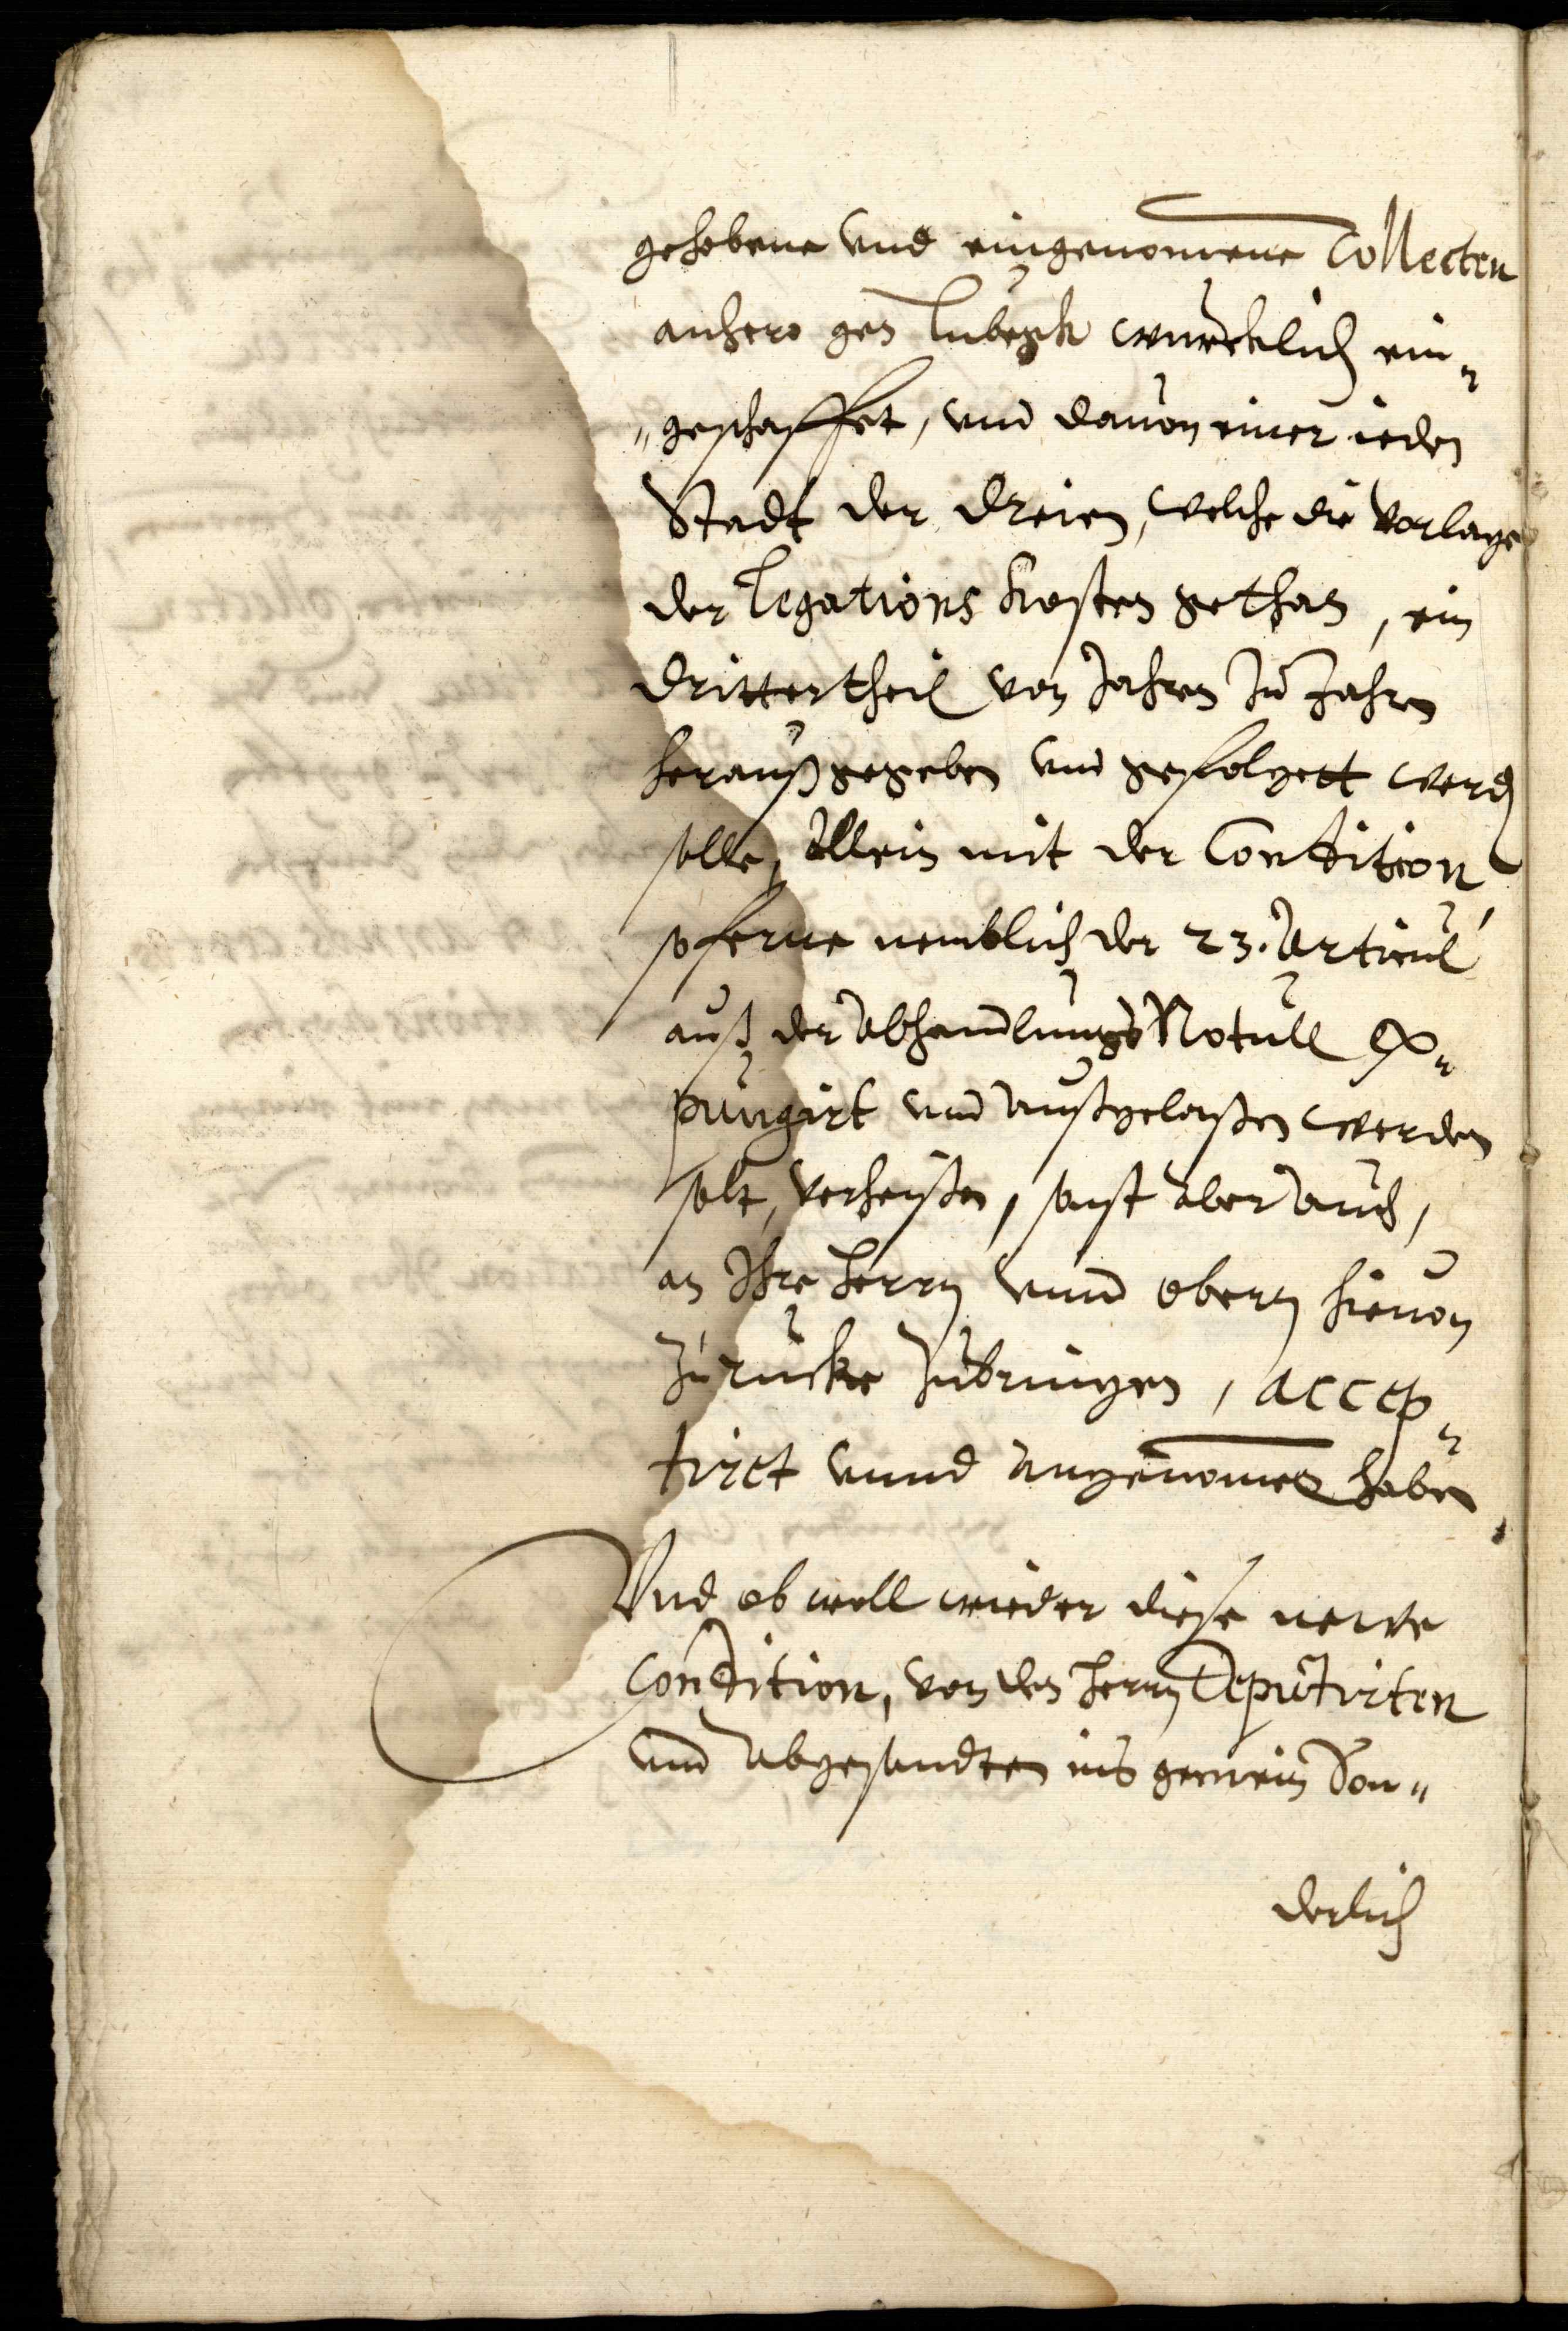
gehobene vnd eingenommene collecten
anhero gen Lubegk wurcklich ein¬
¬geschaffet, vnd dauon einer ieden
Stadt der dreien, welche die vorlage
der Legationskosten gethan, ein
Drittertheil von Jahren zu Jahren
herausgegeben vnd gefolgett werden
solle, Allein mit der Condition,
sofern nemblich der 23. Articul
auß der AbhandlungsNotull p¬
pungirt vnd ausgelaßen werden
solt, verheißen, sonst aber auch,
an Ihre herrn vnd obern hiruon
zurucke zubringen, accep¬
tirt vnnd angenommen haben,
Vnd obwoll wieder diese newte
condition, von den herrn Deputirten
vnd abgesandten insgemein Son¬
derlich
